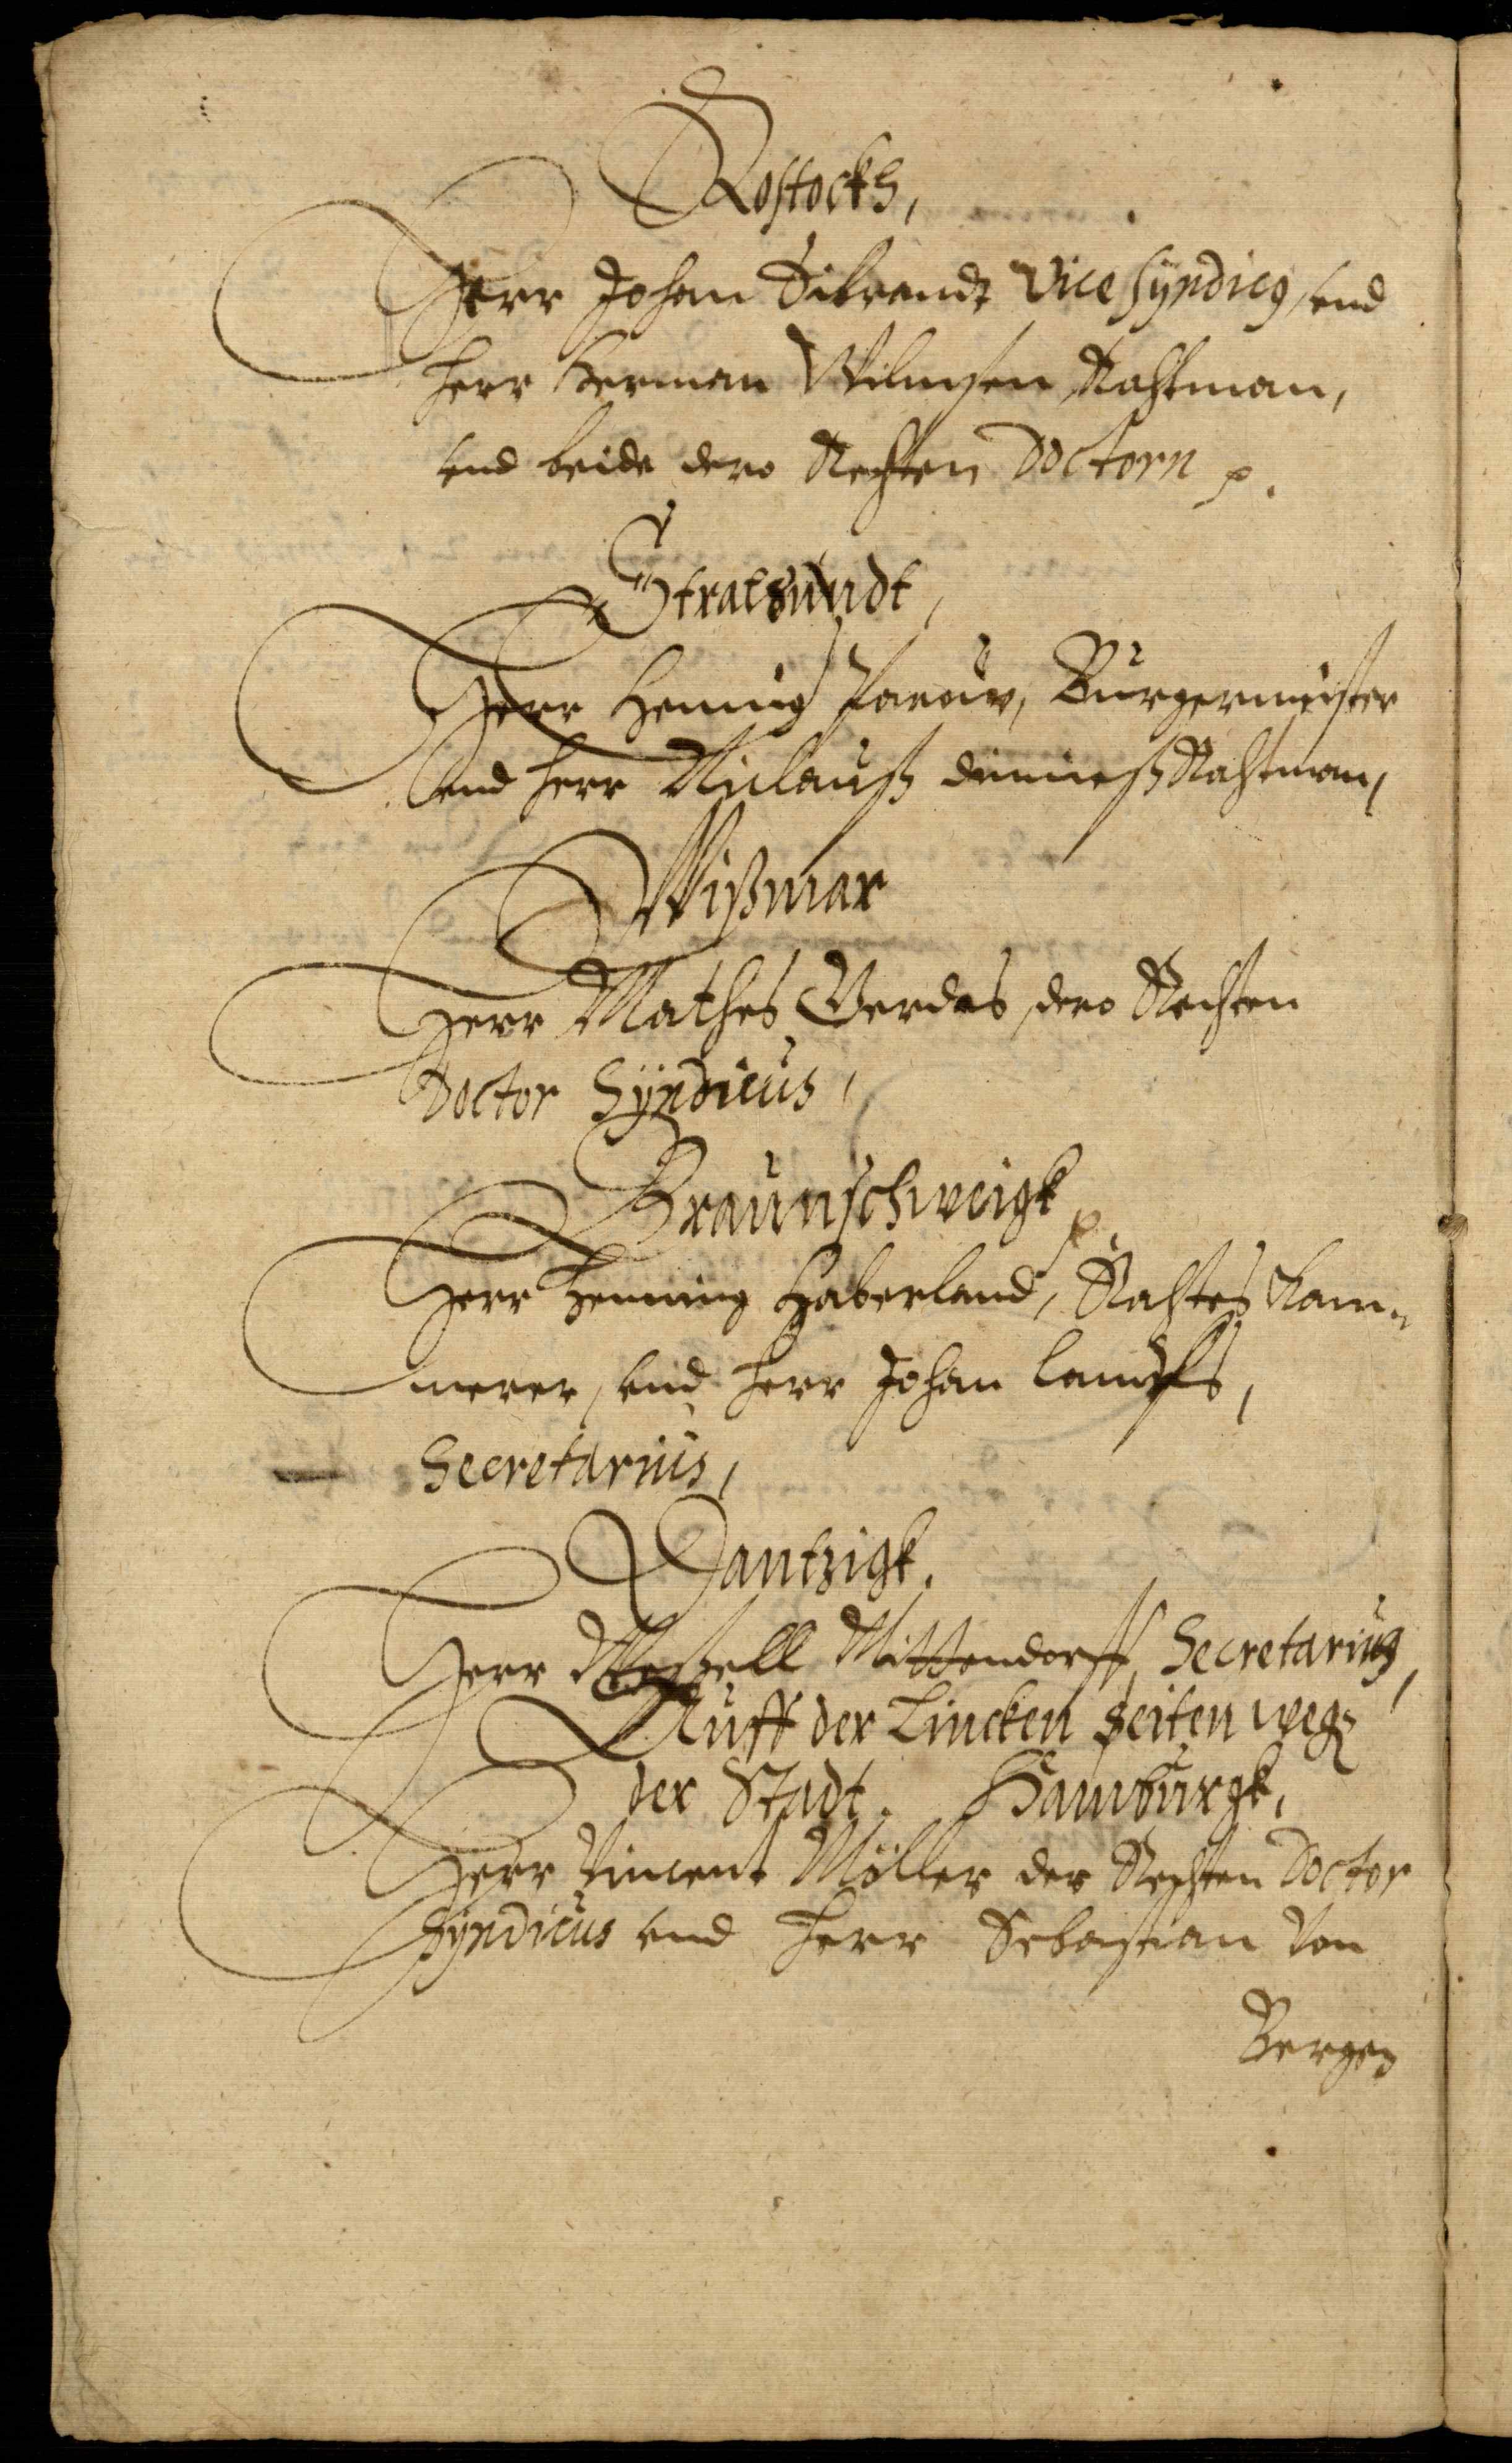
Rostockh,
Herr Johan Sibrandt Vice Syndicus, vnd
herr Herman Wilmsen Rahtmann,
vnd beide dero Rechten Doctorn p.
Stralsundt,
Herr Hennig Parow, Burgermeister
vnd herr Niclauß dinnieß Rathman,
Wißmar
Herr Mathes Gerdes, dero Rechten
Doctor Syndicus,
Braunschweigk,
p
Herr Henning Haberland, Rathes Kam¬
merer, vnd herr Johan Camps,
Secretarius,
Dantzigk,
Herr Weßell Wittendorff, Secretarius,
Auff der Lincken seiten wegen
der Stadt Hamburgk,
Herr Vincent Möller der Rechten Doctor
Syndicus vnd Herr Sebastian von
Bergen
